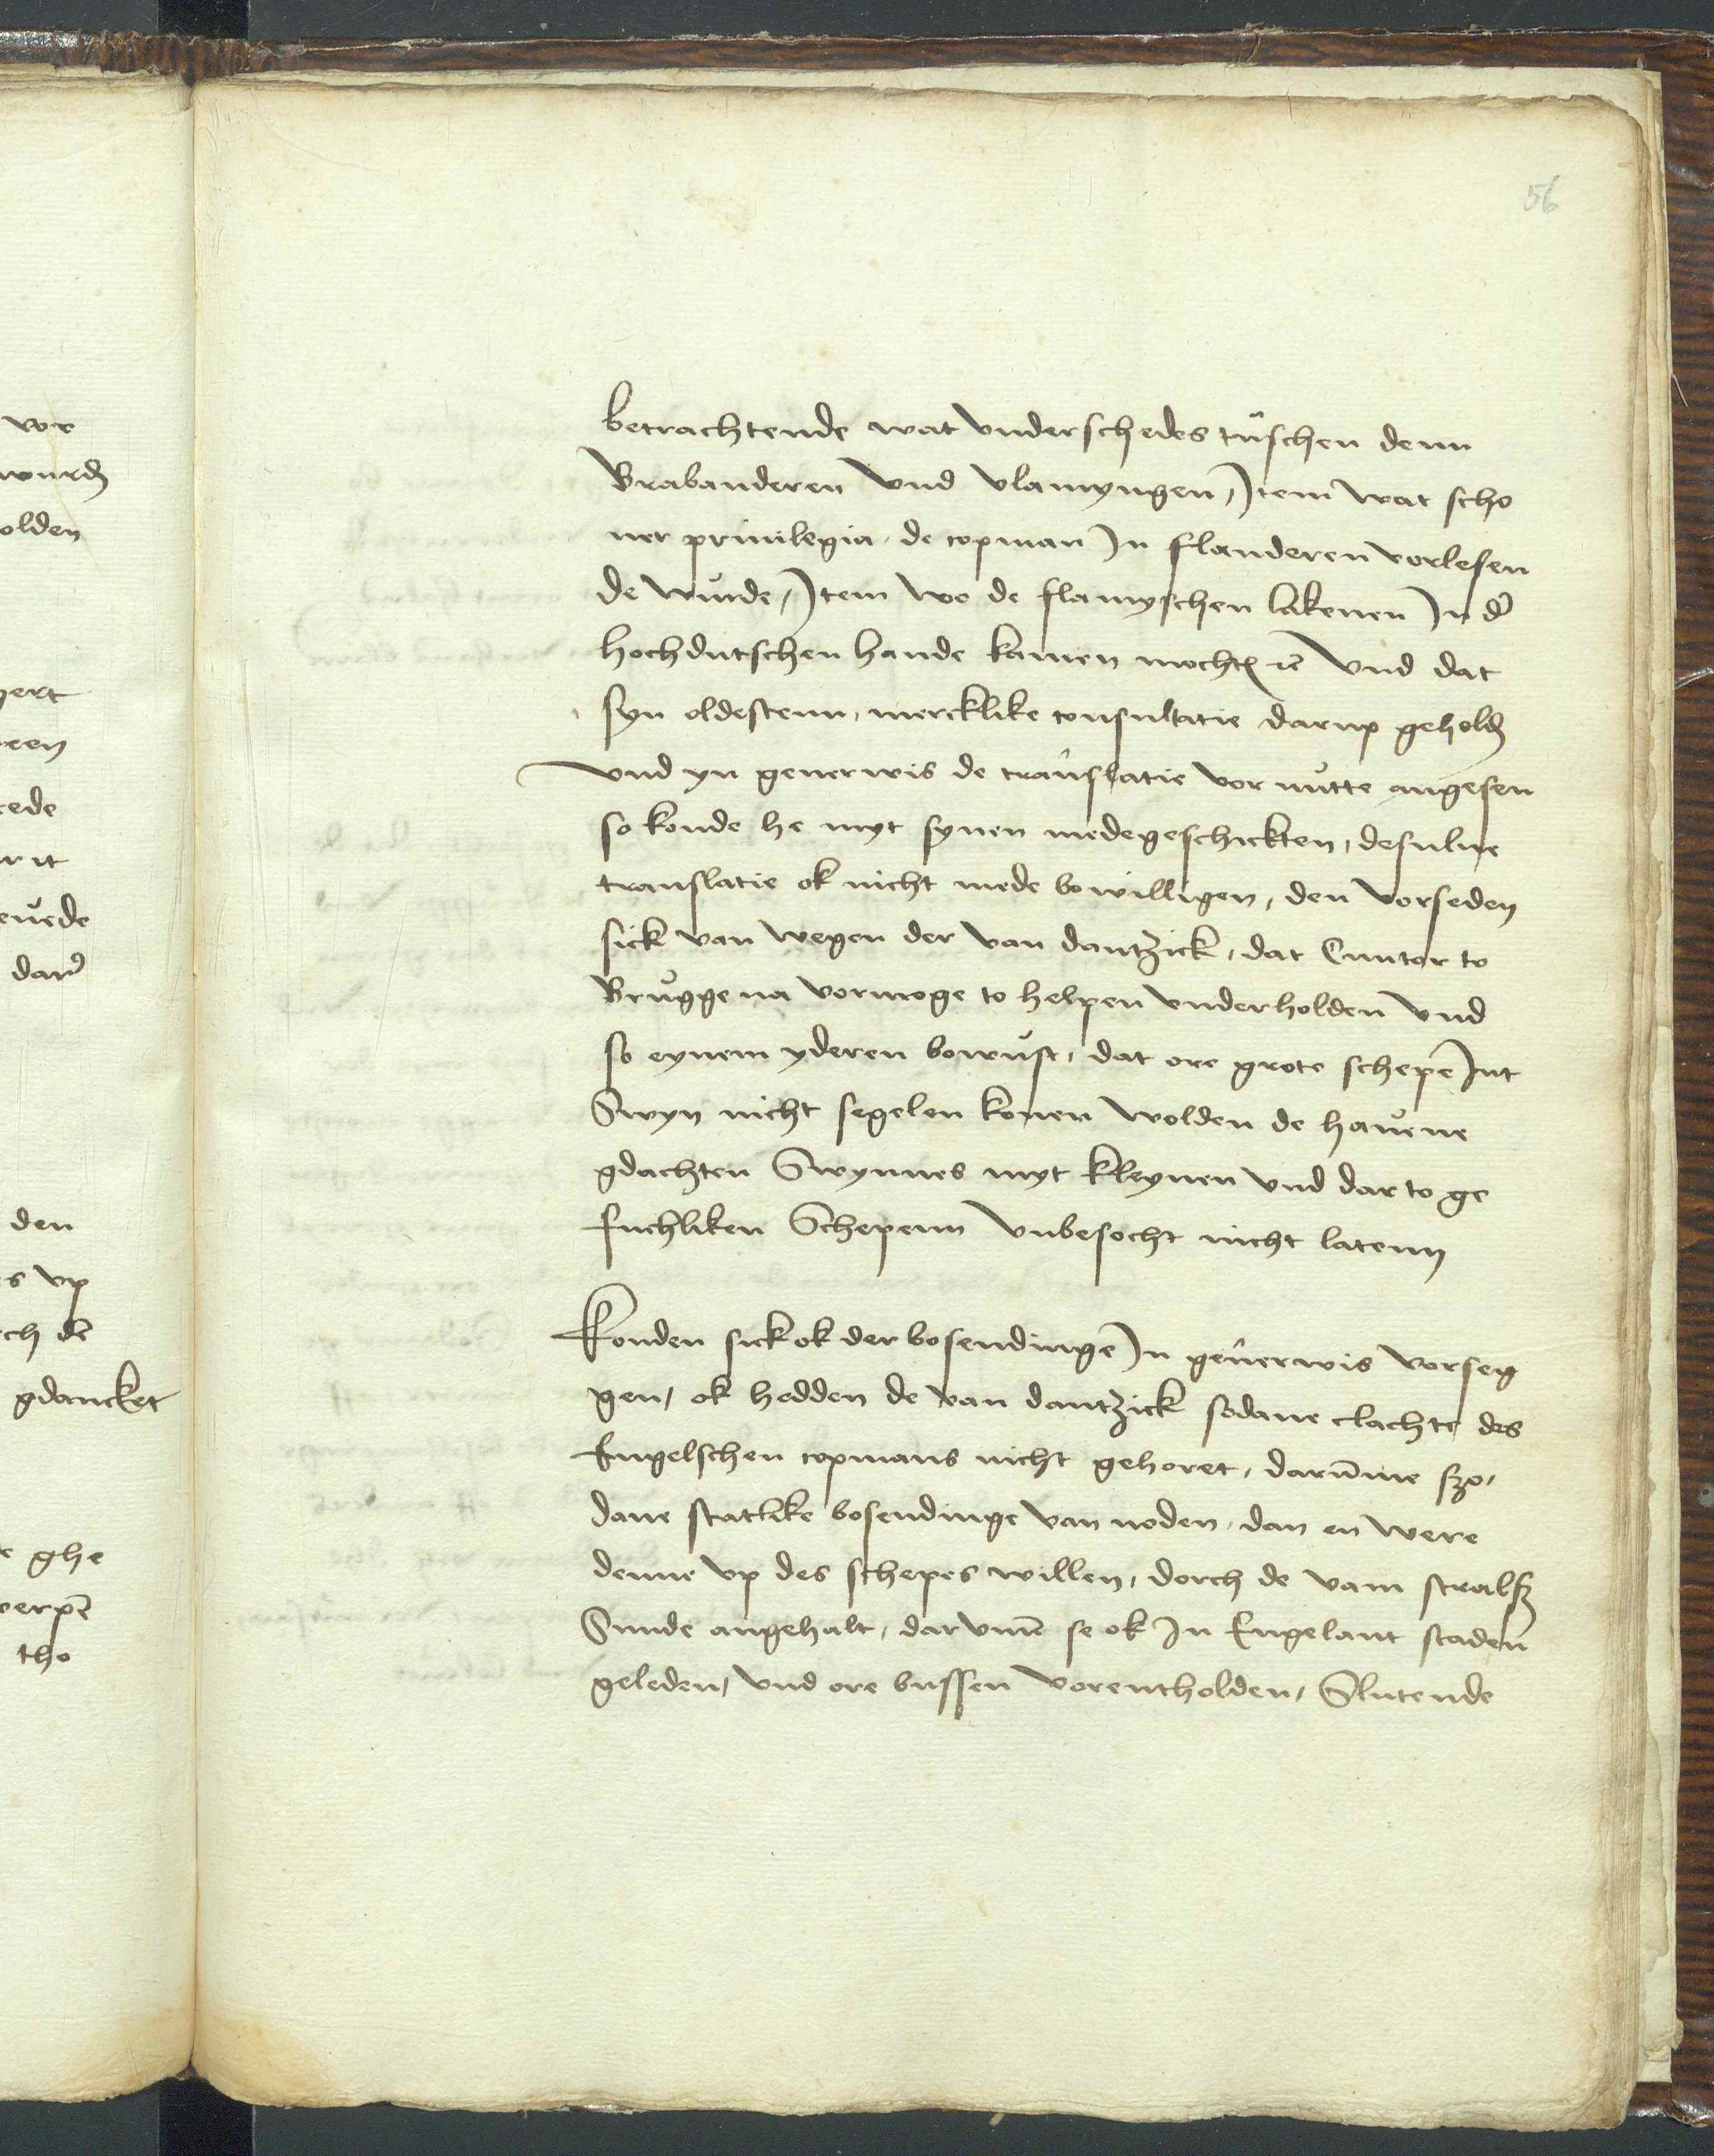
betrachtende wat vnderschedes tuschen denn
Brabanderen vnd vlamyngen, Jtem wat scho¬
ner priuilegia, de copman Jn flanderen vorlesen¬
de wurde, Jtem wo de flamyschen lakenen Jn der
hochdutschen hande kamen mochten etc vnd dat
syn oldestenn, mercklike consultatie darup geholden
vnd yn generwis de translatie vor nutte angesen
so konde he myt synen medegeschickten, desulue
translatie ok nicht mede bowilligen, den vorseden
sick van wegen der van dantzick, dat Cuntor to
Brugge na vormoge to helpen vnderholden vnd
so einem yderen bowust, dat ore grote schepe Jnt
Swyn nicht segelen konen wolden de hauene
gdachten Swynnes myt kleynen vnd darto ge¬
fuchliken Schepen vnbesorcht nicht latenn
Konden sick ok der bosendinge Jn generwis vorseg¬
gen, ok hedden de van dantzick sodane clacht des
engelschen copmans nicht gehoret, darumme szo¬
dane statlike bosendinge van noden dan en were
denne vp des schepes willen, dorch de van stralsz¬
Sunde angehalt, darvmme se ok Jn Engelant scaden
geleden, vnd ore bussen vorentholden, Slutende
